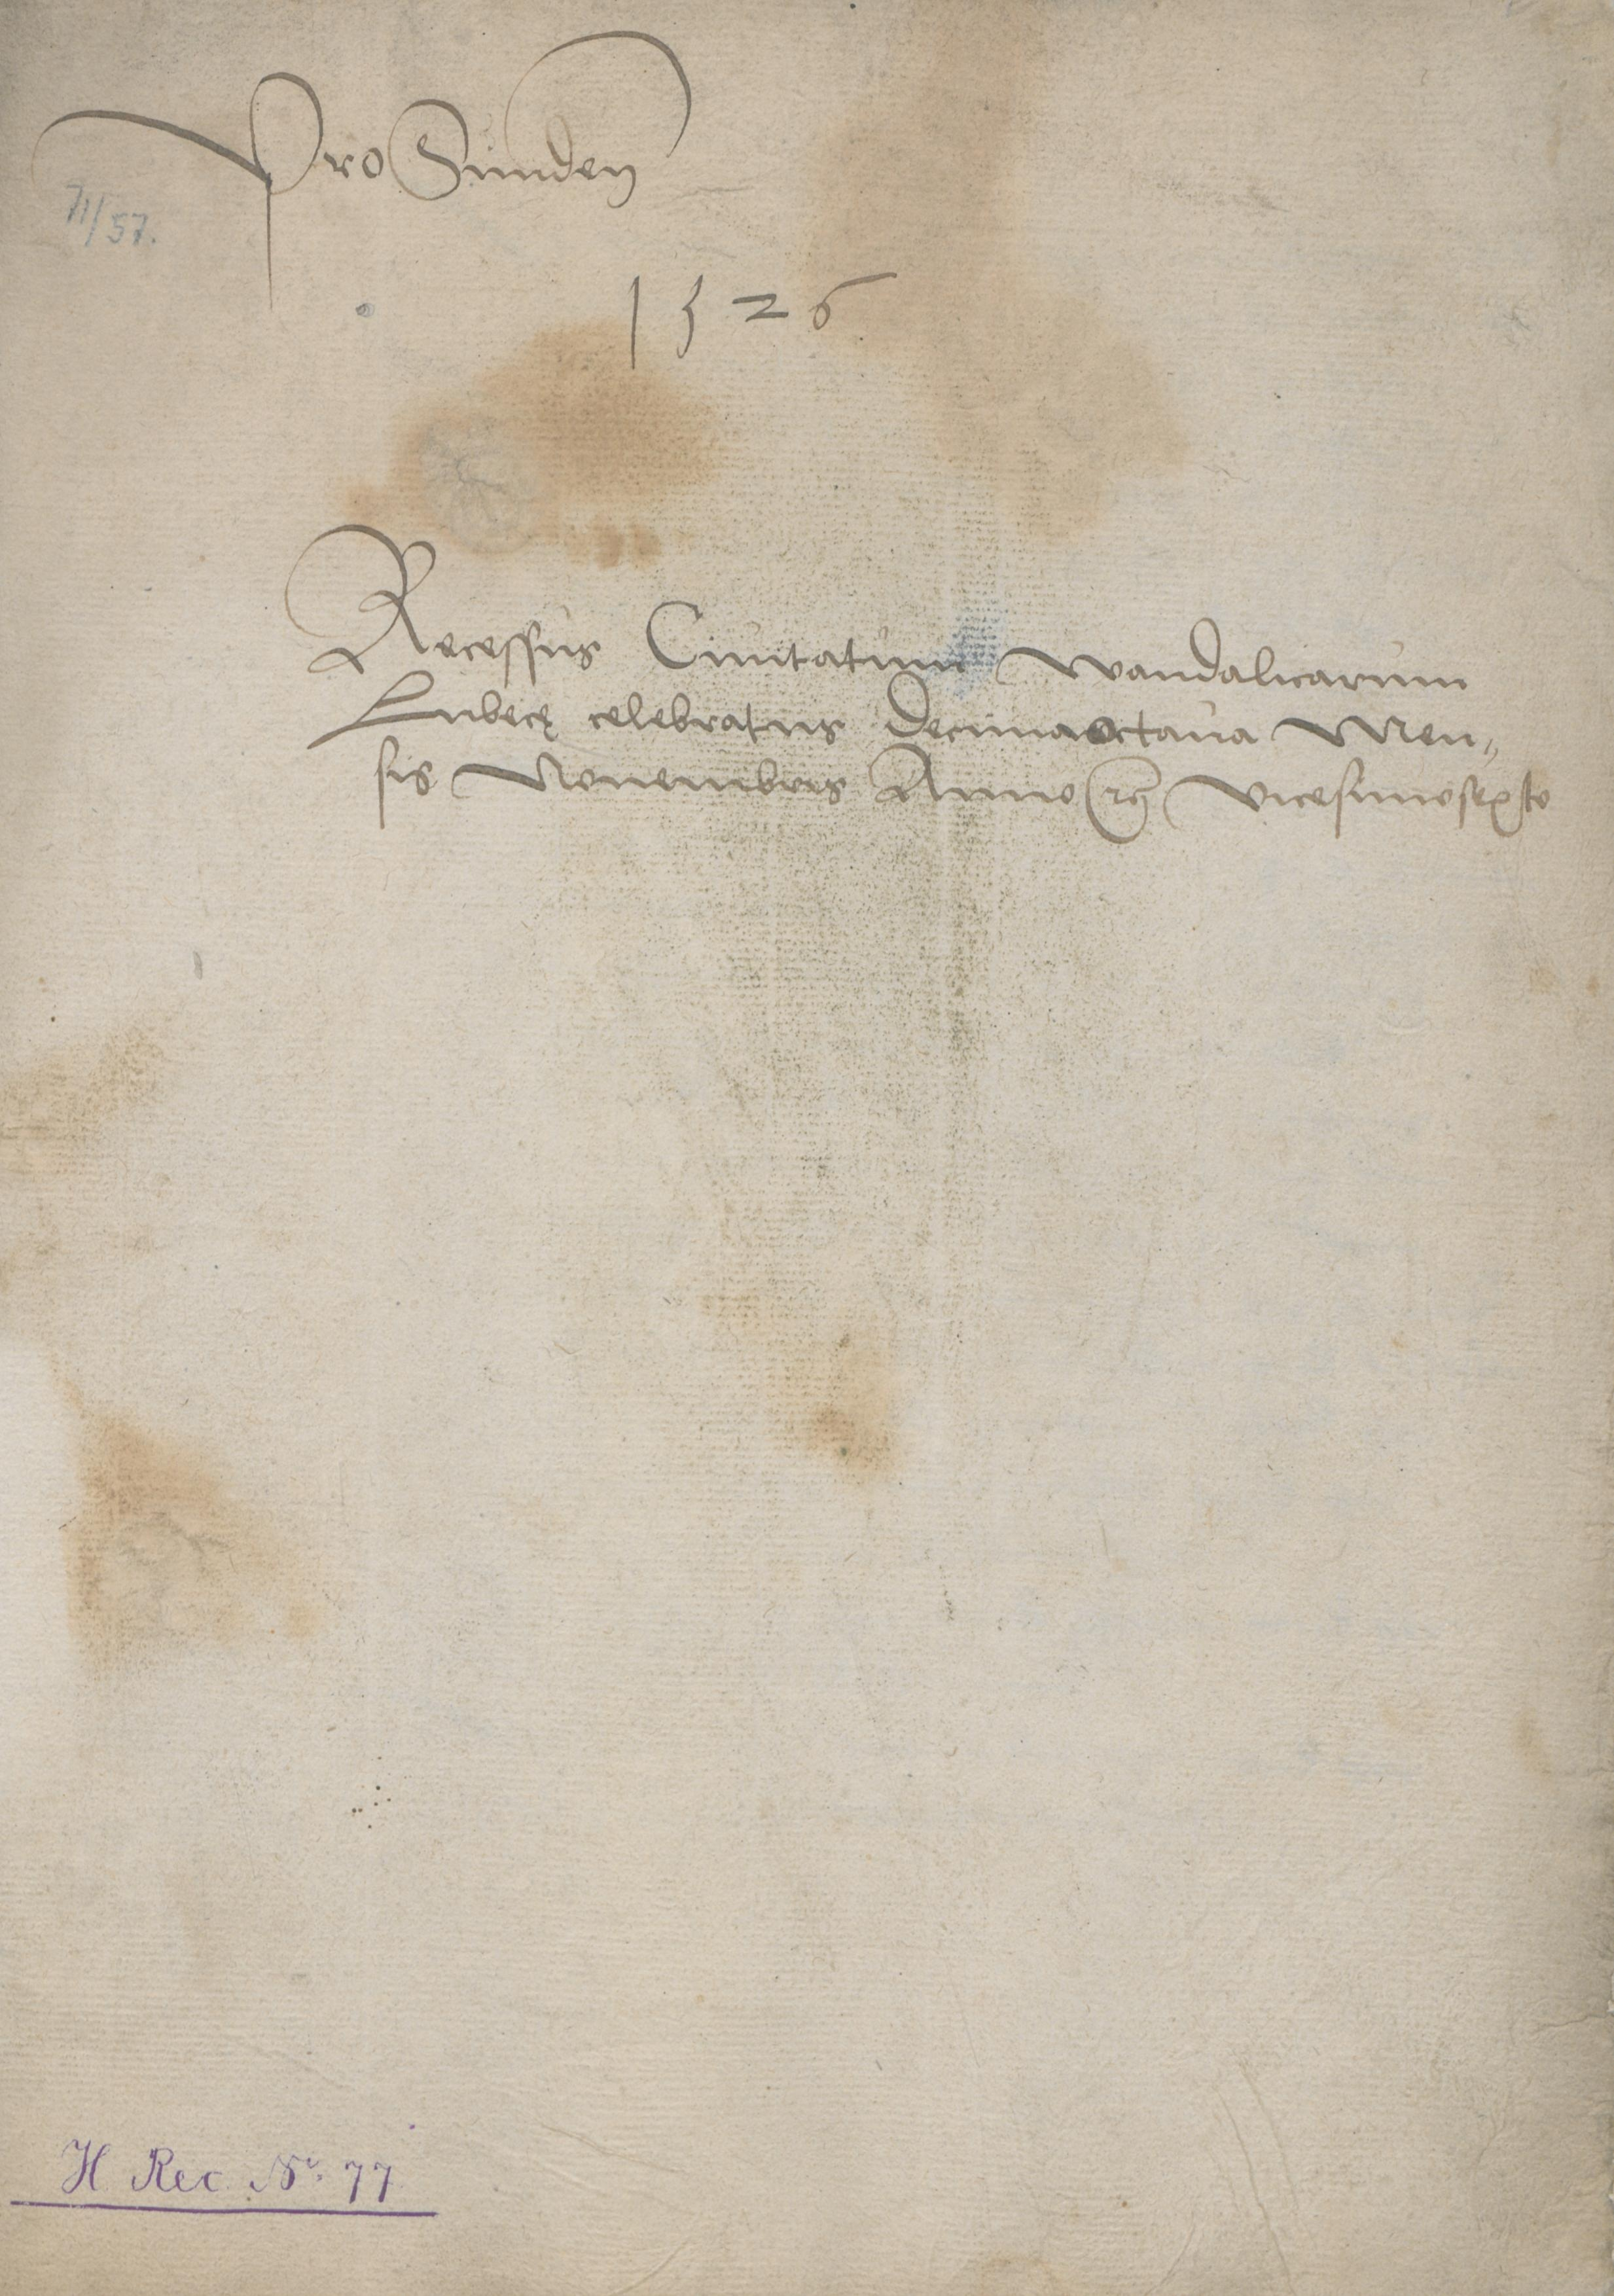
Pro Simden
1526
Recessus Ciuitatum wandalicarum
Lubeck celebratus decimaoctaria Men¬
sis Nouembris Anno etc vicesimo sexto
